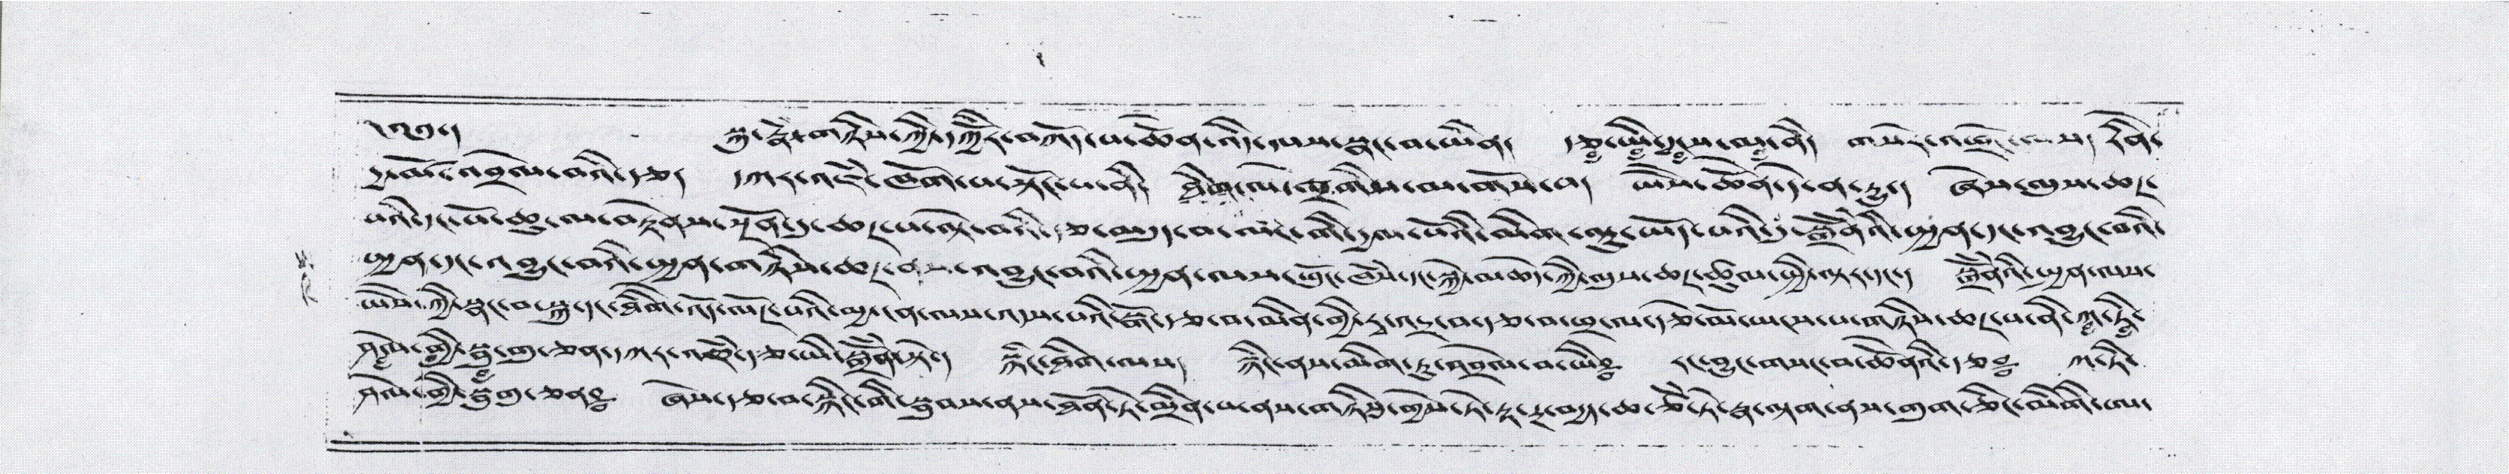སྐུ་རྣམ་གཉིས་ཀྱི་དཀྱིལ་འཁོར་བཀོད་པ་ཆེན་པོ་འདི་ལས་སྣང་བ་ཡིན། རྩ་ཡི་དྭངས་མ་ནི། གསེར་ཕྲེང་ལས། རིན་
ཆེན་རྒྱ་མཚོ་འབྲེལ་བའི་རྩ། དཀར་འཇམ་ཁོག་པ་སྟོང་པ་ནི། ཐིག་ལེ་ཁྲག་གིས་མ་གོས་པ། ཡེ་ཤེས་ཆེན་པོ་དེ་ན་རྒྱུ། ཞེས་ལུས་ཆགས་
པའི་དང་པོ་ཆུ་ལ་བརྟེན་ནས་སྔོན་དུ་ཆགས་པ་ལྟེ་བའི་རྩ་མདུད་བ་ལང་གི་རྒྱལ་པོའི་མིག་ལྟ་བུ་ཡོད་པའི་དུ་སྒྲོན་མའི་སྤྱན་དང་འབྱུང་བའི་
སྤྱན་གཉིས་ཆགས་ནས་འབྱུང་བའི་སྤྱན་ལས་ཕུང་པོ་ཁམས་དང་སྐྱེ་མཆེད་ཀྱི་ལུས་ཆགས་ཚུལ་སྤྱི་ལྟར་དང་། སྒྲོན་མའི་སྤྱན་ལས་
ཡེ་ཤེས་ཀྱི་སྣང་བ་སྐུ་དང་ཐིག་ལེ་འོད་ལ་སོགས་པའི་མྱ་ངན་ལས་འདས་པའི་སྒོ་རྩ་བ་མིན་གྱི་རྭ་འདྲ་བ་རྩ་བ་ཕྲ་ལ་རྩེ་མོ་ཡངས་པ་གཉིས་ཆགས་པ་ནི་ཀ་ཏི་
ཤེལ་གྱི་སྦུ་གུ་ཅན་དཀར་འཇམ་རྩ་ཡི་སྒྲོན་མ་སྟེ། སྙིང་ཐིག་ལས། སྙིང་ནས་མིག་ཏུ་འབྲེལ་བ་ཡིཿ རང་འབྱུང་གསང་བ་ཆེན་པའི་རྩཿ ཀ་ཏི་
ཤེལ་གྱི་སྦུ་གུ་ཅནཿ ཞེས་རྩ་བ་སྙིང་གི་སྦུབས་ནས་ཐོན་ཏེ་མགྲིན་པ་ནས་གཉིས་སུ་གྱེས་ཏེ་རྟ་རྔ་བརྒྱད་ཆ་ཙམ་ཏེ་རྣ་ལྟག་ནས་གུག་ཅིང་མིག་གི་ཨ་